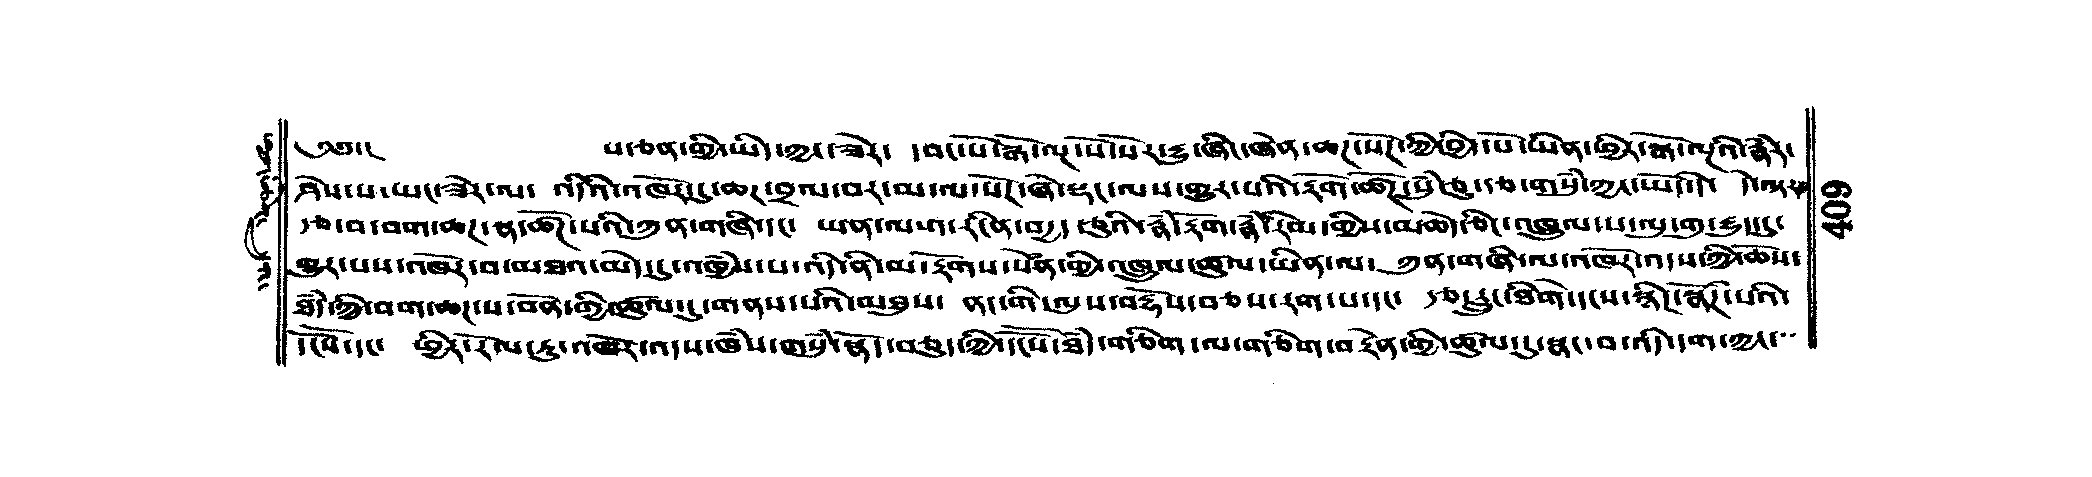པ་ཅན་གྱི་ཡིད་ཀྱང་ཟེར། དབང་པོ་སྒོ་ལྔ་སོ་སོར་རྒྱུ་ཞིང་ཞེན་ཆགས་སོགས་ཀྱི་བྱེད་པོ་ཡིན་ཕྱིར་སྒོ་ལྔའི་རྣམ་པར་
ཤེས་པ་ཡང་ཟེར་ལ། འདིའི་འཁོར་དུ་ཆགས་བྲལ་བར་མ་ལ་སོགས་ཞེ་སྡང་ལས་གྱུར་པའི་རྟོག་ཚོགས་སུམ་ཅུ་རྩ་གསུམ་ཡང་ཡོད་དོ། དེ་ལྟར་
རྩ་བ་བག་ཆགས་སྣ་ཚོགས་པའི་ཀུན་གཞི་དང་། ཡན་ལག་རང་བཞིན་བརྒྱད་ཅུའི་རྣམ་རྟོག་རིམ་གྱིས་མཆེད་ཅིང་འཁྲུལ་པ་ལུ་གུ་རྒྱུད་དུ་
གྱུར་པས་འཁོར་བ་མཐའ་མེད་དུ་འཁྱམས་པ་འདི་ནི་མ་རྟོགས་སེམས་ཅན་གྱི་འཁྲུལ་ཚུལ་ཡིན་ལ། ཀུན་གཞི་ལ་འཁོར་འདས་ཀྱི་ཆོས་
ཐམས་ཅད་ཀྱི་བག་ཆགས་ས་བོན་གྱི་ཚུལ་དུ་གནས་པའི་མཐུས།ནང་གི་ལུས་བརྡོས་བཅས་རགས་པ་དང་། རྩ་རླུང་ཐིག་ལེ་དྭངས་སྙིགས་སྣ་ཚོགས་པའི་
དངོས་པོ་དང་། ཕྱི་རོལ་ཏུ་འཁོར་འདས་ཁམས་གསུམ་སྣོད་བཅུད་ཀྱི་དངོས་པོ་ཐམས་ཅད་གཅིག་ལ་གཅིག་བརྟེན་གྱི་ཚུལ་དུ་སྣང་བ་འདི་དག་ཀྱང་།